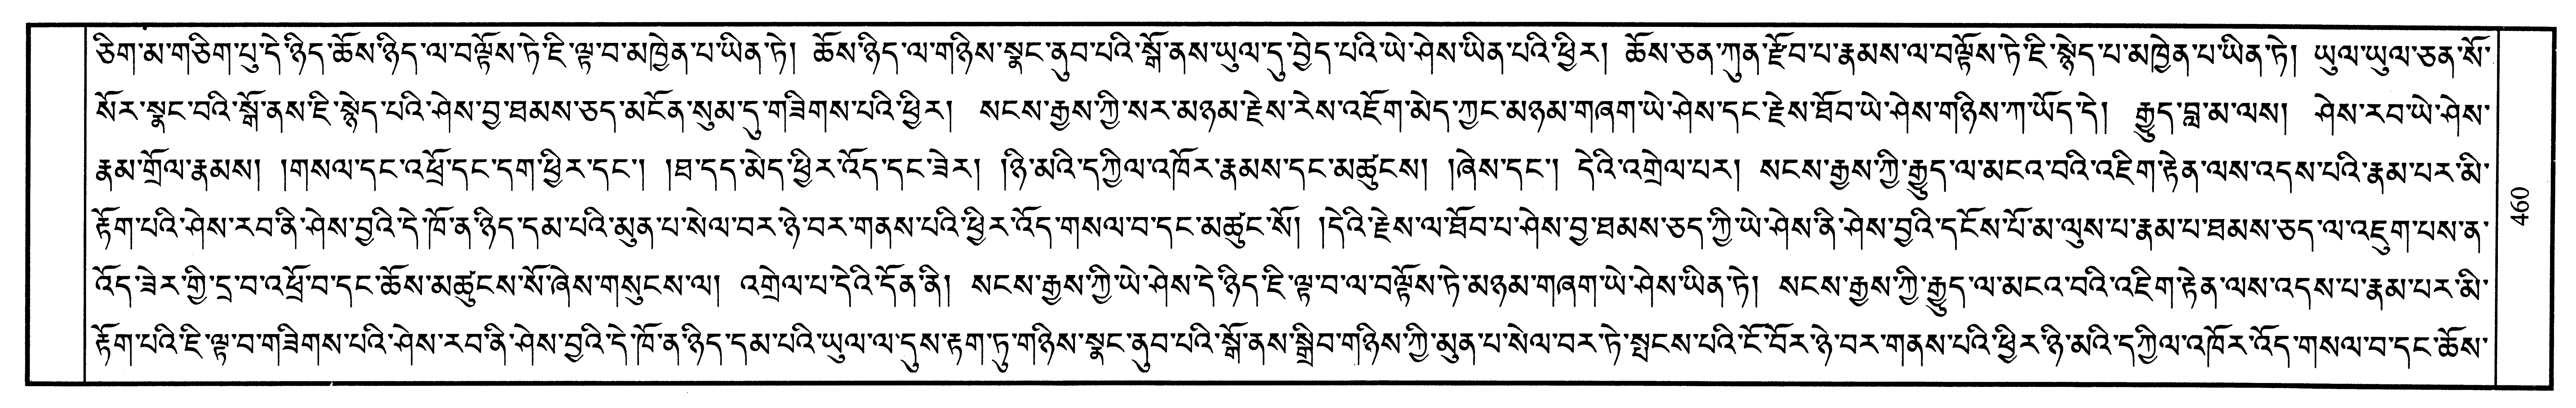ཅིག་མ་གཅིག་པུ་དེ་ཉིད་ཆོས་ཉིད་ལ་བལྟོས་ཏེ་ཇི་ལྟ་བ་མཁྱེན་པ་ཡིན་ཏེ། ཆོས་ཉིད་ལ་གཉིས་སྣང་ནུབ་པའི་སྒོ་ནས་ཡུལ་དུ་བྱེད་པའི་ཡེ་ཤེས་ཡིན་པའི་ཕྱིར། ཆོས་ཅན་ཀུན་རྫོབ་པ་རྣམས་ལ་བལྟོས་ཏེ་ཇི་སྙེད་པ་མཁྱེན་པ་ཡིན་ཏེ། ཡུལ་ཡུལ་ཅན་སོ་
སོར་སྣང་བའི་སྒོ་ནས་ཇི་སྙེད་པའི་ཤེས་བྱ་ཐམས་ཅད་མངོན་སུམ་དུ་གཟིགས་པའི་ཕྱིར། སངས་རྒྱས་ཀྱི་སར་མཉམ་རྗེས་རེས་འཇོག་མེད་ཀྱང་མཉམ་གཞག་ཡེ་ཤེས་དང་རྗེས་ཐོབ་ཡེ་ཤེས་གཉིས་ཀ་ཡོད་དེ། རྒྱུད་བླ་མ་ལས། ཤེས་རབ་ཡེ་ཤེས་
རྣམ་གྲོལ་རྣམས། །གསལ་དང་འཕྲོ་དང་དག་ཕྱིར་དང་། །ཐ་དད་མེད་ཕྱིར་འོད་དང་ཟེར། །ཉི་མའི་དཀྱིལ་འཁོར་རྣམས་དང་མཚུངས། །ཞེས་དང་། དེའི་འགྲེལ་པར། སངས་རྒྱས་ཀྱི་རྒྱུད་ལ་མངའ་བའི་འཇིག་རྟེན་ལས་འདས་པའི་རྣམ་པར་མི་
རྟོག་པའི་ཤེས་རབ་ནི་ཤེས་བྱའི་དེ་ཁོ་ན་ཉིད་དམ་པའི་མུན་པ་སེལ་བར་ཉེ་བར་གནས་པའི་ཕྱིར་འོད་གསལ་བ་དང་མཚུང་སོ། །དེའི་རྗེས་ལ་ཐོབ་པ་ཤེས་བྱ་ཐམས་ཅད་ཀྱི་ཡེ་ཤེས་ནི་ཤེས་བྱའི་དངོས་པོ་མ་ལུས་པ་རྣམ་པ་ཐམས་ཅད་ལ་འཇུག་པས་ན་
འོད་ཟེར་གྱི་དྲ་བ་འཕྲོ་བ་དང་ཆོས་མཚུངས་སོ་ཞེས་གསུངས་ལ། འགྲེལ་པ་དེའི་དོན་ནི། སངས་རྒྱས་ཀྱི་ཡེ་ཤེས་དེ་ཉིད་ཇི་ལྟ་བ་ལ་བལྟོས་ཏེ་མཉམ་གཞག་ཡེ་ཤེས་ཡིན་ཏེ། སངས་རྒྱས་ཀྱི་རྒྱུད་ལ་མངའ་བའི་འཇིག་རྟེན་ལས་འདས་པ་རྣམ་པར་མི་
རྟོག་པའི་ཇི་ལྟ་བ་གཟིགས་པའི་ཤེས་རབ་ནི་ཤེས་བྱའི་དེ་ཁོ་ན་ཉིད་དམ་པའི་ཡུལ་ལ་དུས་རྟག་ཏུ་གཉིས་སྣང་ནུབ་པའི་སྒོ་ནས་སྒྲིབ་གཉིས་ཀྱི་མུན་པ་སེལ་བར་ཏེ་སྤངས་པའི་ངོ་བོར་ཉེ་བར་གནས་པའི་ཕྱིར་ཉི་མའི་དཀྱིལ་འཁོར་འོད་གསལ་བ་དང་ཆོས་